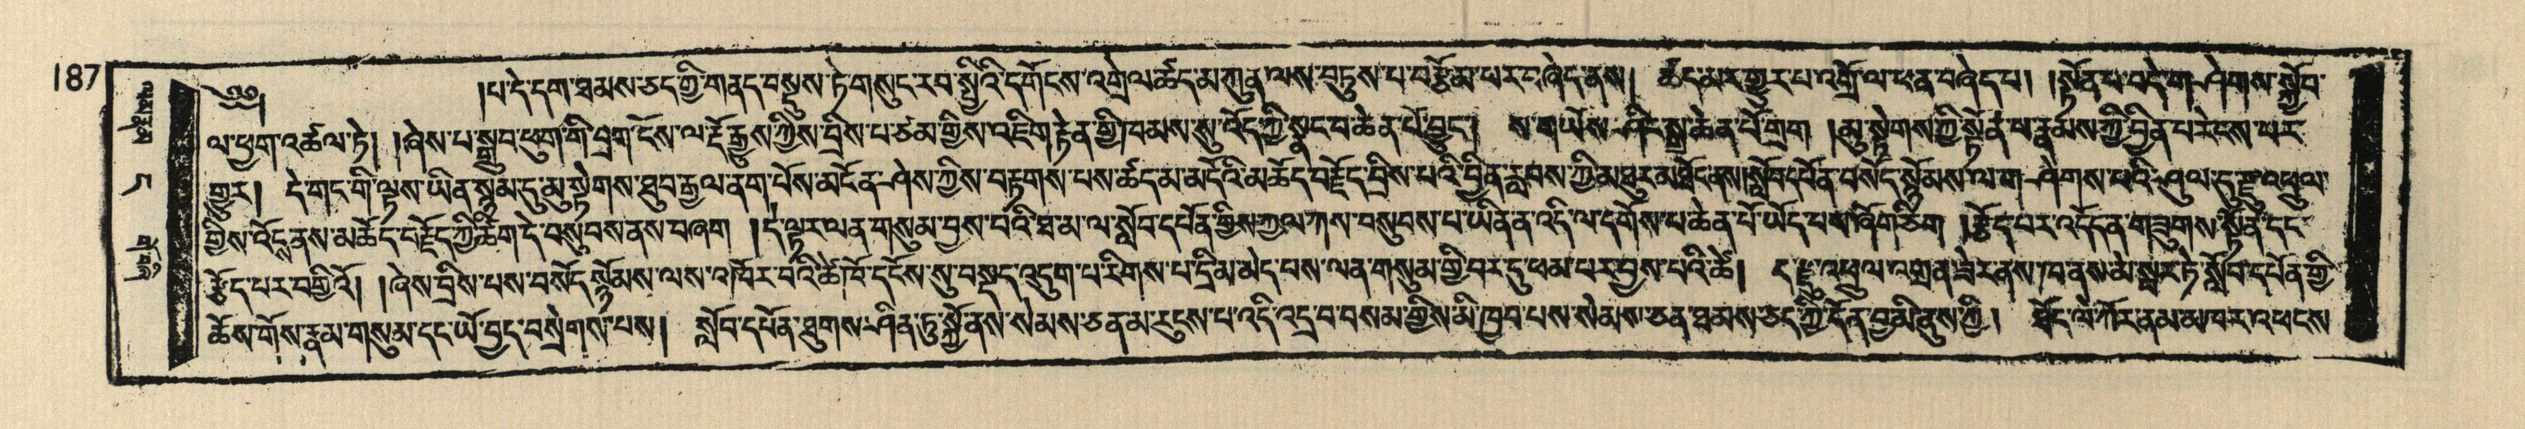༄༅། །པ་དེ་དག་ཐམས་ཅད་ཀྱི་གནད་བསྡུས་ཏེ་གསུང་རབ་སྤྱིའི་དགོངས་འགྲེལ་ཚད་མ་ཀུན་ལས་བཏུས་པ་བརྩོམ་པར་བཞེད་ནས། ཚད་མར་གྱུར་པ་འགྲོ་ལ་ཕན་བཞེད་པ། །སྟོན་པ་བདེ་གཤེགས་སྐྱོབ་
ལ་ཕྱག་འཚལ་ཏེ། །ཞེས་པ་སྒྲུབ་ཕུག་གི་བྲག་ངོས་ལ་རྡོ་རྒྱུས་ཀྱིས་བྲིས་པ་ཙམ་གྱིས་འཇིག་རྟེན་གྱི་ཁམས་སུ་འོད་ཀྱི་སྣང་བ་ཆེན་པོ་བྱུང་། ས་གཡོས་ཤིང་སྒྲ་ཆེན་པོ་གྲག །མུ་སྟེགས་ཀྱི་སྟོན་པ་རྣམས་ཀྱི་བྱིན་པ་རེངས་པར་
གྱུར། དེ་གང་གི་ལྟས་ཡིན་སྙམ་དུ་མུ་སྟེགས་ཐུབ་རྒྱལ་ནག་པོས་མངོན་ཤེས་ཀྱིས་བརྟགས་པས་ཚད་མ་མདོའི་མཆོད་བརྗོད་བྲིས་པའི་བྱིན་རླབས་ཀྱི་མཐུར་མཐོང་ནས། སློབ་དཔོན་བསོད་སྙོམས་ལ་གཤེགས་པའི་ཤུལ་དུ་རྫུ་འཕྲུལ་
གྱིས་འོངས་ནས་མཆོད་བརྗོད་ཀྱི་ཚིག་དེ་བསུབས་ནས་བཞག །དེ་ལྟར་ལན་གསུམ་བྱས་པའི་ཐ་མ་ལ་སློབ་དཔོན་གྱིས་ཀྱལ་ཀས་བསུབས་པ་ཡིན་ན་འདི་ལ་དགོས་པ་ཆེན་པོ་ཡོད་པས་ཞོ་གཅིག །རྩོད་བར་འདོད་ན་གཟུགས་སྟོན་དང་
རྩོད་པར་བགྱིའོ། །ཞེས་བྲིས་པས་བསོད་སྙོམས་ལས་འཁོར་བའི་ཚེ་ཁོ་དངོས་སུ་བསྡད་འདུག་པ་རིགས་པ་དྲི་མ་མེད་པས་ལན་གསུམ་གྱི་བར་དུ་ཕམ་པར་བྱས་པའི་ཚེ། ད་རྫུ་འཕྲུལ་འགྲན་ཟེར་ནས་ཁ་ནས་མེ་སླར་ཏེ་སློབ་དཔོན་གྱི་
ཆོས་གོས་རྣམ་གསུམ་དང་ཡོ་བྱད་བསྲེགས་པས། སློབ་དཔོན་ཐུགས་ཤིན་ཏུ་སྐྱོ་ནས་སེམས་ཅན་མ་རུངས་པ་འདི་འདྲ་བ་བསམ་གྱིས་མི་ཁྱབ་པས་སེམས་ཅན་ཐམས་ཅད་ཀྱི་དོན་བྱ་མི་ནུས་ཀྱི། ཐོད་ལེ་ཀོར་ནམ་མཁར་འཕངས་